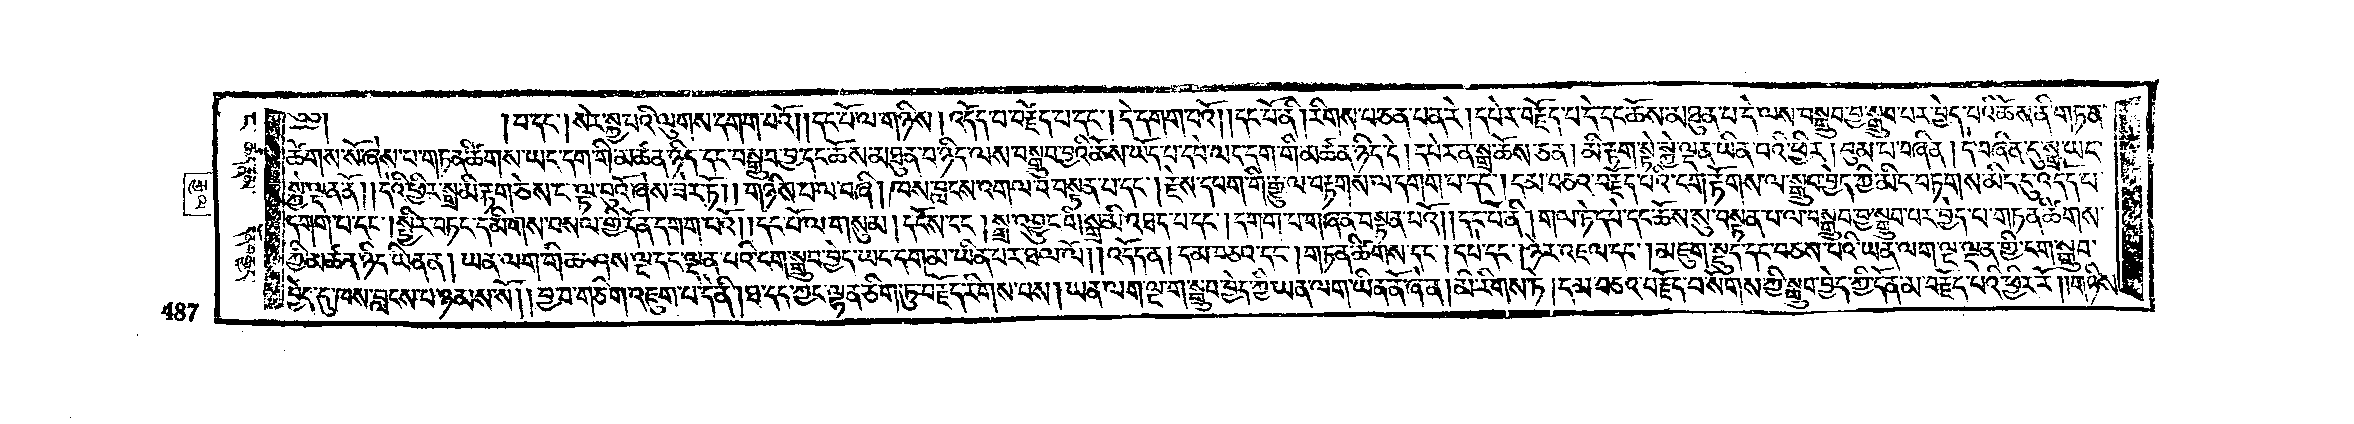༄༅། །པ་དང་། སེར་སྐྱ་བའི་ལུགས་དགག་པའོ། །དང་པོ་ལ་གཉིས། འདོད་པ་བརྗོད་པ་དང་། དེ་དགག་པའོ། །དང་པོ་ནི། རིགས་པ་ཅན་པ་ན་རེ། དཔེར་བརྗོད་པ་དེ་དང་ཆོས་མཐུན་པ་དེ་ལས་བསྒྲུབ་བྱ་སྒྲུབ་པར་བྱེད་པའི་ཆོས་ནི་གཏན་
ཚིགས་སོ་ཞེས་པ་གཏན་ཚིགས་ཡང་དག་གི་མཚན་ཉིད་དང་བསྒྲུབ་བྱ་དང་ཆོས་མཐུན་པ་ཉིད་ལས་བསྒྲུབ་ཡའི་ཆོས་ཡོད་པ་དཔེ་ལང་དག་གི་མཚན་ཉིད་དེ། དཔེར་ན་སྒྲ་ཆོས་ཅན། ཇི་རྟག་སྟེ་སྐྱེ་ལྡན་ཡིན་པའི་ཕྱིར། བུམ་པ་བཞིན། དེ་བཞིན་དུ་སྒྲ་ཡང་
སྐྱེ་ལྡན་ནོ། །དེའི་ཕྱིར་སྒྲ་མི་རྟག་ཅེས་ང་ལྟ་བུའོ་ཞེས་ཟེར་ཏོ། །གཉིས་པ་ལ་བཞི། ཁས་བླངས་འགལ་བ་བསྟན་པ་དང་། རྗེས་དཔག་གི་རྒྱུ་ལ་བརྟགས་ལ་དགག་པ་དང་། དམ་བཅའ་བརྗོད་པའི་ངག་རྟོགས་ལ་སྒྲུབ་བྱེད་ཀྱི་མིང་བཏགས་མིང་དུ་འདོད་པ་
དགག་པ་དང་། སྤྱིར་བཏང་དམིགས་བསལ་གྱི་དོན་དགག་པའོ། །དང་པོ་ལ་གསུམ། དངོས་དང་། སྒྲ་འབྱུང་གི་སྒྲ་མི་འཐད་པ་དང་། དགག་པ་གཞན་བསྟན་པའོ། །དང་པོ་ནི། གལ་ཏེ་དཔེ་དང་ཆོས་སུ་བསྟན་པ་ལ་བསྒྲུབ་བྱ་སྒྲུབ་པར་བྱེད་པ་གཏན་ཚིགས་
ཀྱི་མཚན་ཉིད་ཡིན་ན། ཡན་ལག་གི་ཆ་ཤས་ལྔ་དང་ལྡན་པའི་ངག་སྒྲུབ་བྱེད་ཡང་དག་མ་ཡིན་པར་ཐལ་ལོ། །འདོད་ན། དམ་བཅའ་དང་། གཏན་ཚིགས་དང་། ཉེར་འཇལ་དང་། མཇུག་སྡུད་དང་བཅས་པའི་ཡན་ལག་ལྔ་ལྡན་གྱི་ངག་སྒྲུབ་
བྱེད་དུ་ཁས་བླངས་པ་ཉམས་སོ། །བྱ་བ་གཅིག་འཇུག་པ་དེ་ནི། ཐ་དད་ཀྱང་ལྷན་ཅིག་ཏུ་བརྗོད་རིགས་པས། ཡན་ལག་ལྔ་ག་སྒྲུབ་བྱེད་ཀྱི་ཡན་ལག་ཡིན་ནོ་ཞེ་ན། མི་རིགས་ཏེ། དམ་བཅའ་བརྗོད་པ་སོགས་ཀྱི་སྒྲུབ་བྱེད་ཀྱི་དོན་མ་བརྗོད་པའི་ཕྱིར་རོ། །གཉིས་